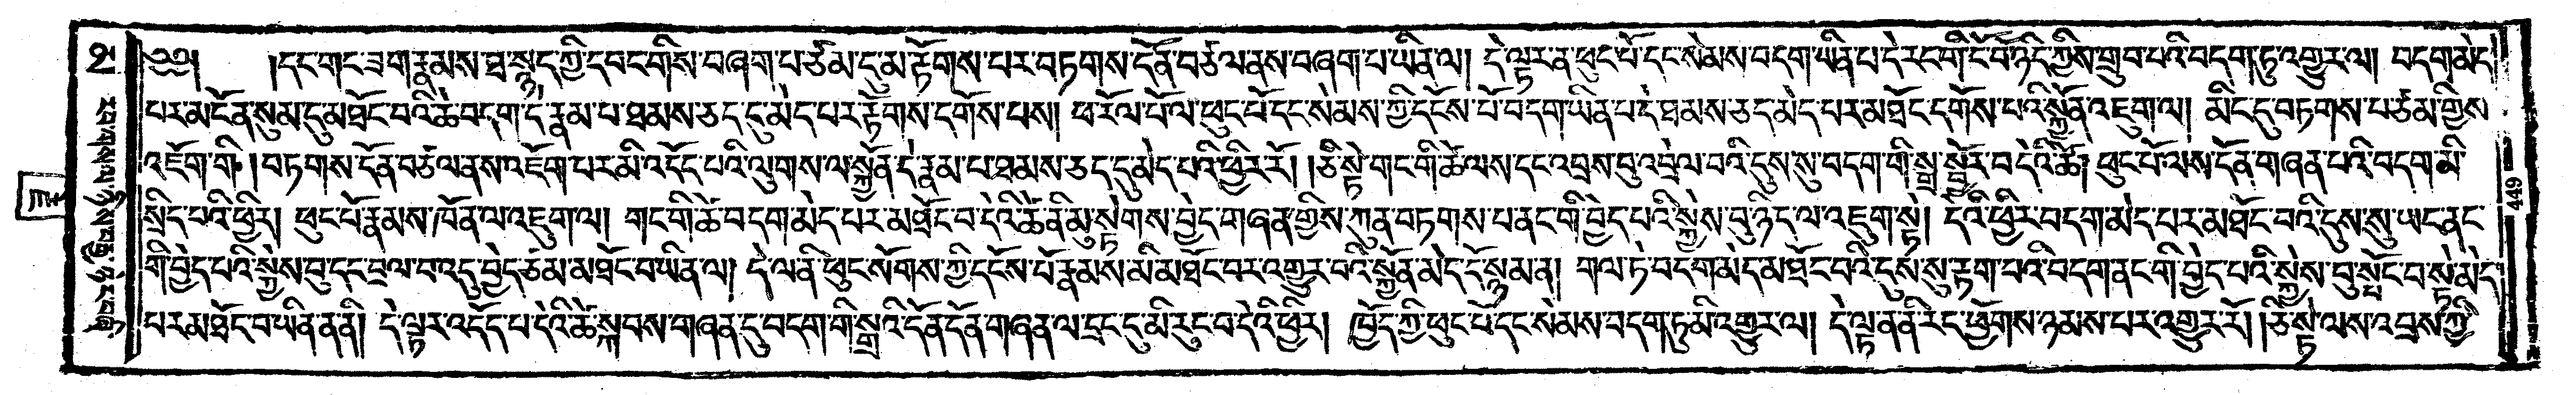༄༅། །དང་གང་ཟག་རྣམས་ཐ་སྙད་ཀྱི་དབང་གིས་བཞག་པ་ཙམ་དུ་མ་རྟོགས་པར་བཏགས་དོན་བཙལ་ནས་བཞག་པ་ཡིན་ལ། དེ་ལྟར་ན་ཕུང་པོ་དང་སེམས་བདག་ཡིན་པ་དེ་རང་གི་ངོ་བོ་ཉིད་ཀྱིས་གྲུབ་པའི་བདག་ཏུ་འགྱུར་ལ། བདག་མེད་
པར་མངོན་སུམ་དུ་མཐོང་བའི་ཚེ་བདག་དེ་རྣམ་པ་ཐམས་ཅད་དུ་མེད་པར་རྟོགས་དགོས་པས། ཕ་རོལ་པོ་ལ་ཕུང་པོ་དང་སེམས་ཀྱི་དངོས་པོ་བདག་ཡིན་པ་དེ་ཐམས་ཅད་མེད་པར་མཐོང་དགོས་པའི་སྐྱོན་འཇུག་ལ། མིང་དུ་བཏགས་པ་ཙམ་གྱིས་
འཇོག་གི །བཏགས་དོན་བཙལ་ནས་འཇོག་པར་མི་འདོད་པའི་ལུགས་ལ་སྐྱོན་དེ་རྣམ་པ་ཐམས་ཅད་དུ་མེད་པའི་ཕྱིར་རོ། །ཅི་སྟེ་གང་གི་ཚེ་ལས་དང་འབྲས་བུ་འབྲེལ་བའི་དུས་སུ་བདག་གི་སྒྲ་སྦྱོར་བ་དེའི་ཚེ། ཕུང་པོ་ལས་དོན་གཞན་པའི་བདག་མི་
སྲིད་པའི་ཕྱིར། ཕུང་པོ་རྣམས་ཁོ་ན་ལ་འཇུག་ལ། གང་གི་ཚེ་བདག་མེད་པར་མཐོང་བ་དེའི་ཚེ་ནི་མུ་སྟེགས་བྱེད་གཞན་གྱིས་ཀུན་བཏགས་པ་ནང་གི་བྱེད་པའི་སྐྱེས་བུ་ཉིད་ལ་འཇུག་སྟེ། དེའི་ཕྱིར་བདག་མེད་པར་མཐོང་བའི་དུས་སུ་ཡང་ནང་
གི་བྱེད་པའི་སྐྱེས་བུ་དང་བྲལ་བ་འདུ་བྱེད་ཙམ་མཐོང་བ་ཡིན་ལ། དེ་ལ་ནི་ཕུང་སོགས་ཀྱི་དངོས་པོ་རྣམས་མི་མཐོང་བར་འགྱུར་བའི་སྐྱོན་མེད་དོ་སྙམ་ན། གལ་ཏེ་བདག་མེད་མཐོང་བའི་དུས་སུ་རྟག་པའི་བདག་ནང་གི་བྱེད་པའི་སྐྱེས་བུ་སྤོང་བ་སྟེ་མེད་
པར་མཐོང་བ་ཡིན་ན་ནི། དེ་ལྟར་འདོད་པ་དེའི་ཚེ་སྐབས་གཞན་དུ་བདག་གི་སྒྲའི་དོན་གཞན་ལ་དྲང་དུ་མི་རུང་བ་དེའི་ཕྱིར། ཁྱོད་ཀྱི་ཕུང་པོ་དང་སེམས་བདག་ཏུ་མི་འགྱུར་ལ། དེ་ལྟ་ན་ནི་རང་ཕྱོགས་ཉམས་པར་འགྱུར་རོ། །ཅི་སྟེ་ལས་འབྲས་ཀྱི་